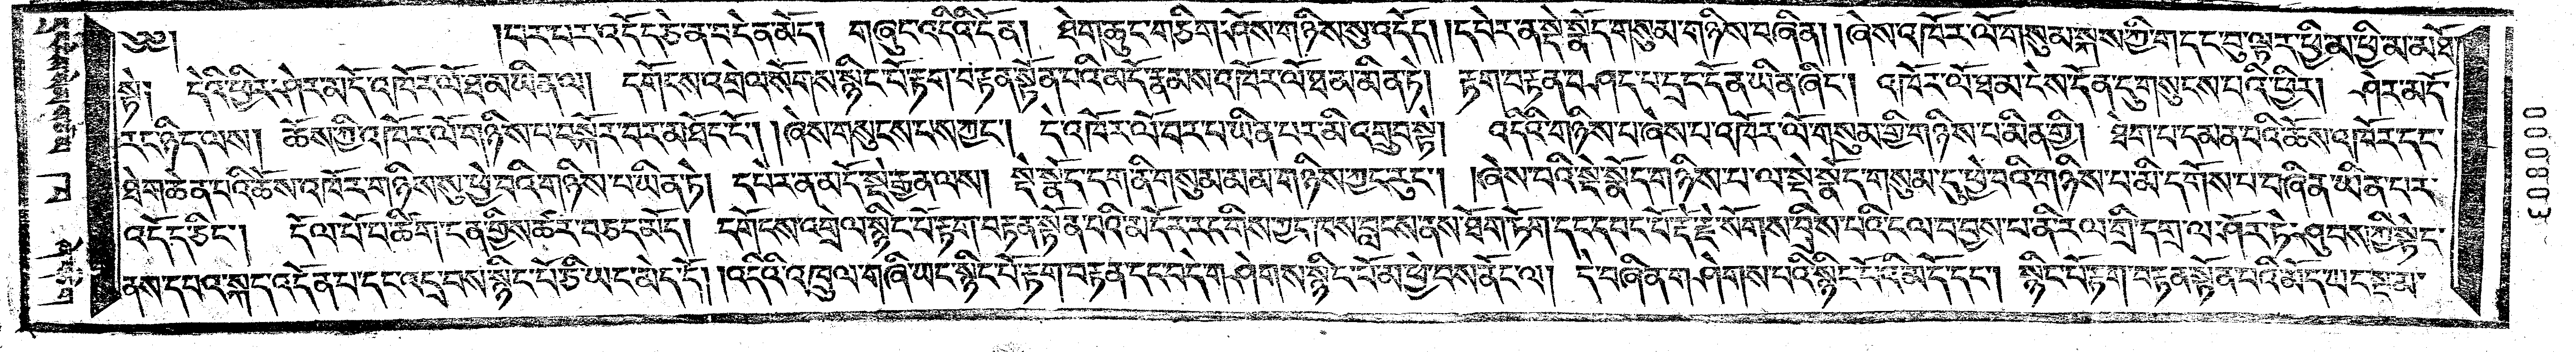༄༅། །བར་པར་འདོད་ཅེ་ན་བདེན་མོད། གཞུང་འདིའི་དོན། ཐེག་ཆུང་གཅིག་ཤོས་གཉིས་སུ་འདོད། །དཔེར་ན་སྡེ་སྣོད་གསུམ་གཉིས་བཞིན། །ཞེས་འཁོར་ལོ་གསུམ་སྐས་ཀྱི་གདང་བུ་ལྟར་ཕྱི་མ་ཕྱི་མ་མཐོ་
སྟེ༑ དེའི་ཕྱིར་ཤེར་མདོ་འཁོར་ལོ་ཐ་མ་ཡིན་ལ། དགོངས་འགྲེལ་སོགས་སྙིང་པོ་རྟག་བརྟན་སྟོན་པའི་མདོ་རྣམས་འཁོར་ལོ་ཐ་མ་མིན་ཏེ། རྟག་བརྟན་བཤད་པ་དྲང་དོན་ཡིན་ཞིང་། འཁོར་ལོ་ཐ་མ་ངེས་དོན་དུ་གསུངས་པའི་ཕྱིར། ཤེར་མདོ་
རང་ཉིད་ལས། ཆོས་ཀྱི་འཁོར་ལོ་གཉིས་པ་བསྐོར་བར་མཐོང་ངོ། །ཞེས་གསུངས་པས་ཀྱང་། དེ་འཁོར་ལོ་བར་པ་ཡིན་པར་མི་འགྲུབ་སྟེ། འདིའི་གཉིས་པ་ཞེས་པ་འཁོར་ལོ་གསུམ་གྱི་གཉིས་པ་མིན་གྱི། ཐེག་པ་དམན་པའི་ཆོས་འཁོར་དང་
ཐེག་ཆེན་པའི་ཆོས་འཁོར་གཉིས་སུ་ཕྱེ་བའི་གཉིས་པ་ཡིན་ཏེ། དཔེར་ན་མདོ་སྡེ་རྒྱན་ལས། སྡེ་སྣོད་དག་ནི་གསུམ་མམ་གཉིས་ཀྱང་རུང་། །ཞེས་པའི་སྡེ་སྣོད་གཉིས་པ་ལ་སྡེ་སྣོད་གསུམ་དུ་ཕྱེ་བའི་གཉིས་པ་མི་དགོས་པ་བཞིན་ཡིན་པར་
འདོད་ཅིང་། དོལ་པོ་བ་ཚིག་ངན་གྱིས་ཚར་བཅད་མོད། དགོངས་འགྲེལ་སྙིང་པོ་རྟག་བརྟན་སྟོན་པའི་མདོར་རང་གིས་ཀྱང་ཁས་བླངས་ནས་ཐོག་ཏོག་དང་དབང་པོ་རྡོ་རྗེ་སོགས་བྲིས་པའི་ངལ་བ་བྱས་པ་ནི་རལ་གྲི་དགྲ་ལ་ཤོར་ཏེ་ཤུབས་ཀྱི་སྟེང་
ནས་དཔའ་སྐད་འདོན་པ་དང་འདྲ་བས་སྙིང་པོ་ཅི་ཡང་མེད་དོ། །འདིའི་འཁྲུལ་གཞི་ཡང་སྙིང་པོ་རྟག་བརྟན་དང་བདེ་གཤེགས་སྙིང་པོ་མ་ཕྱེ་བས་ནོང་ལ། དེ་བཞིན་གཤེགས་པའི་སྙིང་པོའི་མདོ་དང་། སྙིང་པོ་རྟག་བརྟན་སྟོན་པའི་མདོ་ཡང་སྔ་མ་